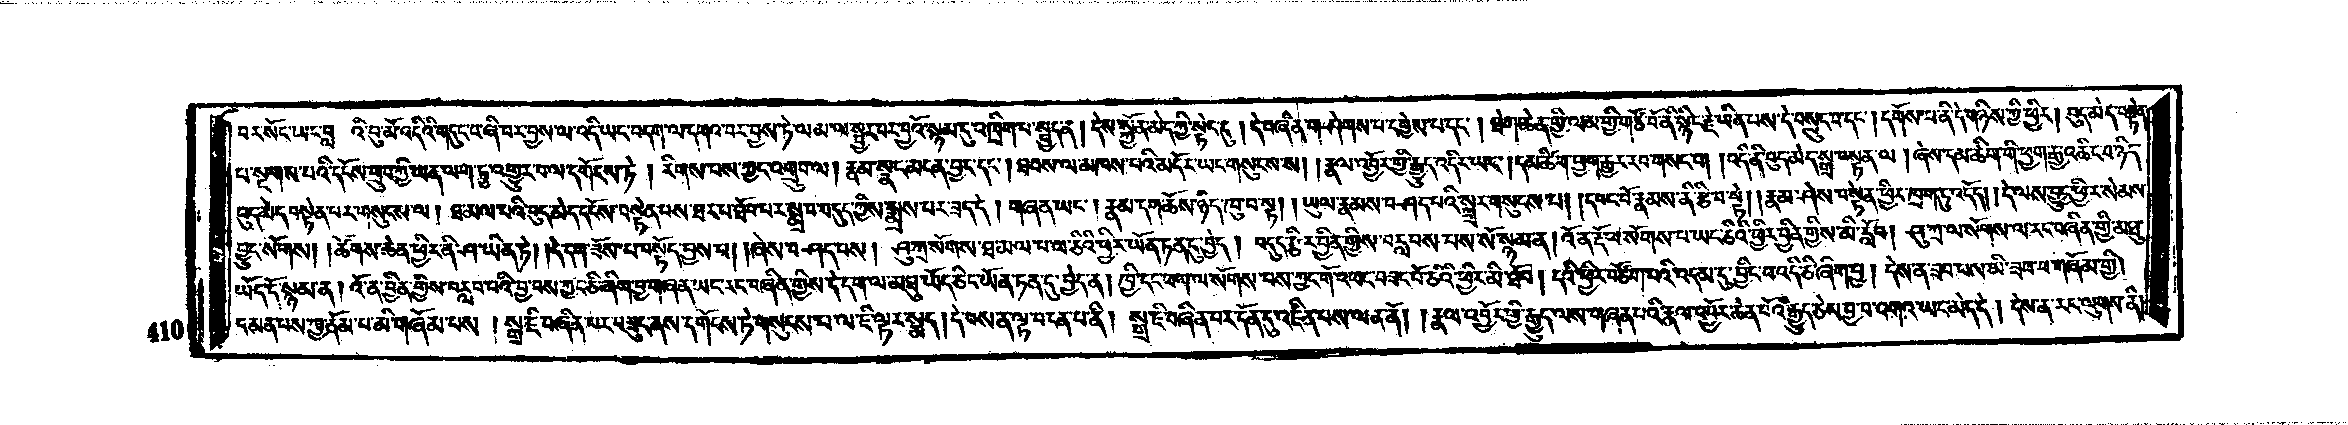བར་སོང་ཡང་བླའི་བུ་མོ་འདིའི་གདུང་བ་ཞི་བར་བྱས་ལ་འདི་ཡང་བདག་ལ་དགའ་བར་བྱས་ཏེ་ལམ་ལ་སྦྱར་བར་བྱའོ་སྙམ་དུ་འཁྲིག་པ་སྤྱད་ན། དེས་སྐྱོན་མེད་ཀྱི་སྟེང་དུ། དེ་བཞིན་གཤེགས་པ་དགྱེས་པ་དང་། ཐེག་ཆེན་གྱི་ལམ་གྱི་གཙོ་བོ་ནི་སྙིང་རྗེ་ཡིན་པས་དེ་བསྲུང་བ་དང་། དགོས་པ་ནི་དེ་གཉིས་ཀྱི་ཕྱིར། བུད་མེད་བསྟེན་
པ་སྔགས་པའི་དངོས་གྲུབ་ཀྱི་ཡན་ལག་ཏུ་འགྱུར་བ་ལ་དགོངས་ཏེ། རིགས་པས་ཀྱང་འགྲུབ་ལ། རྣམ་སྣང་མངོན་བྱང་དང་། ཐབས་ལ་མཁས་པའི་མདོར་ཡང་གསུངས་ས། །རྣལ་འབྱོར་གྱི་རྒྱུད་འདིར་ཡང་། དམ་ཚིག་ཕྱག་རྒྱར་རབ་གསང་བ། །འདི་ནི་བུད་མེད་སྒྲ་བསྟན་ལ། ཞེས་དམ་ཚིག་གི་ཕྱག་རྒྱ་འཆིང་བ་ཉིད་
བུད་མེད་བསྟེན་པར་གསུངས་ལ། ཐ་མལ་པའི་བུད་མེད་དངོས་བསྟེན་པས་ཐར་པ་ཐོབ་པར་སྨྲ་བ་བདུད་ཀྱིས་སྨྲས་པར་ཟད་དེ། གཞན་ཡང་། རྣམ་དག་ཆོས་ཉིད་ཁུ་བ་སྟ། །ཡུལ་རྣམས་བཤད་པའི་སྒྲར་གསུངས་པ། །དབང་པོ་རྣམས་ནི་རྩི་བ་སྟེ། །རྣམ་ཤེས་བསྟེན་ཕྱིར་ཁྲག་ཏུ་འདོད། །དེ་ལས་བྱུང་ཕྱིར་སེམས་
བྱུང་སོགས། །ཚོགས་ཆེན་ཕྱིར་ནི་ཤ་ཡིན་ཏེ། །དེ་དག་ཟོས་པ་བསྟོད་བྱས་པ། །ཞེས་བཤད་པས། ཤུ་ཀྲ་སོགས་ཐ་མལ་པ་ལ་ཅིའི་ཕྱིར་ཡོན་ཏན་དུ་བྱེད། བདུད་རྩིར་བྱིན་གྱིས་བརླབས་པས་སོ་སྙམ་ན། འོ་ན་རྡོ་ལ་སོགས་པ་ཡང་ཅིའི་ཕྱིར་བྱིན་གྱིས་མི་རློབ། ཤུ་ཀྲ་ལ་སོགས་ལ་རང་བཞིན་གྱི་མཐུ་
ཡོད་དོ་སྙམ་ན། འོ་ན་བྱིན་གྱིས་བརླབ་པའི་བྱ་བས་ཀྱང་ཅི་ཞིག་བྱ་གཞན་ཡང་རང་བཞིན་གྱིས་དེ་དག་ལ་མཐུ་ཡོད་ཅིང་ཡོན་ཏན་དུ་བྱེད་ན། ཁྱི་དང་ཕག་ལ་སོགས་པས་ཀྱང་གོ་འཕང་བཟང་པོ་ཅིའི་ཕྱིར་མི་ཐོབ། དེའི་ཕྱིར་བཙོག་པའི་འདམ་དུ་བྱིང་བ་འདི་ཅི་ཞིག་བྱ། དེས་ན་ཟབ་པས་མི་ཟབ་པ་གཞོམ་གྱི།
དམན་པས་གྱ་ནོམ་པ་མི་གཞོམ་པས། སྒྲ་ཇི་བཞིན་པར་བཟུང་ནས་དགོངས་ཏེ་གསུངས་པ་ལ་ཇི་ལྟར་སྨད། དེ་བས་ན་ལྟ་བ་ངན་པ་ནི། སྒྲ་ཇི་བཞིན་པར་དོན་དུ་འཛིན་པས་ལན་ནོ། །རྣལ་འབྱོར་གྱི་རྒྱུད་ལས་གཞན་པའི་རྣལ་འབྱོར་ཆེན་པོའི་རྒྱུད་ཅེས་བྱ་བ་འགའ་ཡང་མེད་དེ། དེས་ན་རང་ལུགས་ནི།